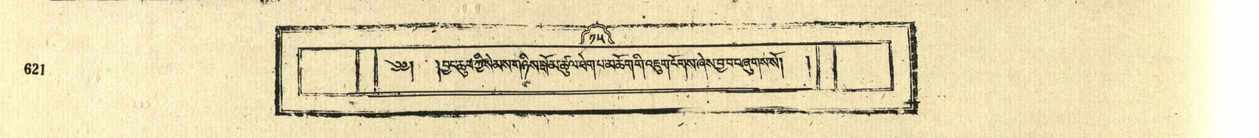༄༅། །བྱང་ཆུབ་ཀྱི་སེམས་གཉིས་སྒོམ་ཚུལ་ཐེག་པ་མཆོག་གི་འཇུག་དོགས་ཞེས་བྱ་བ་བཞུགས་སོ། །